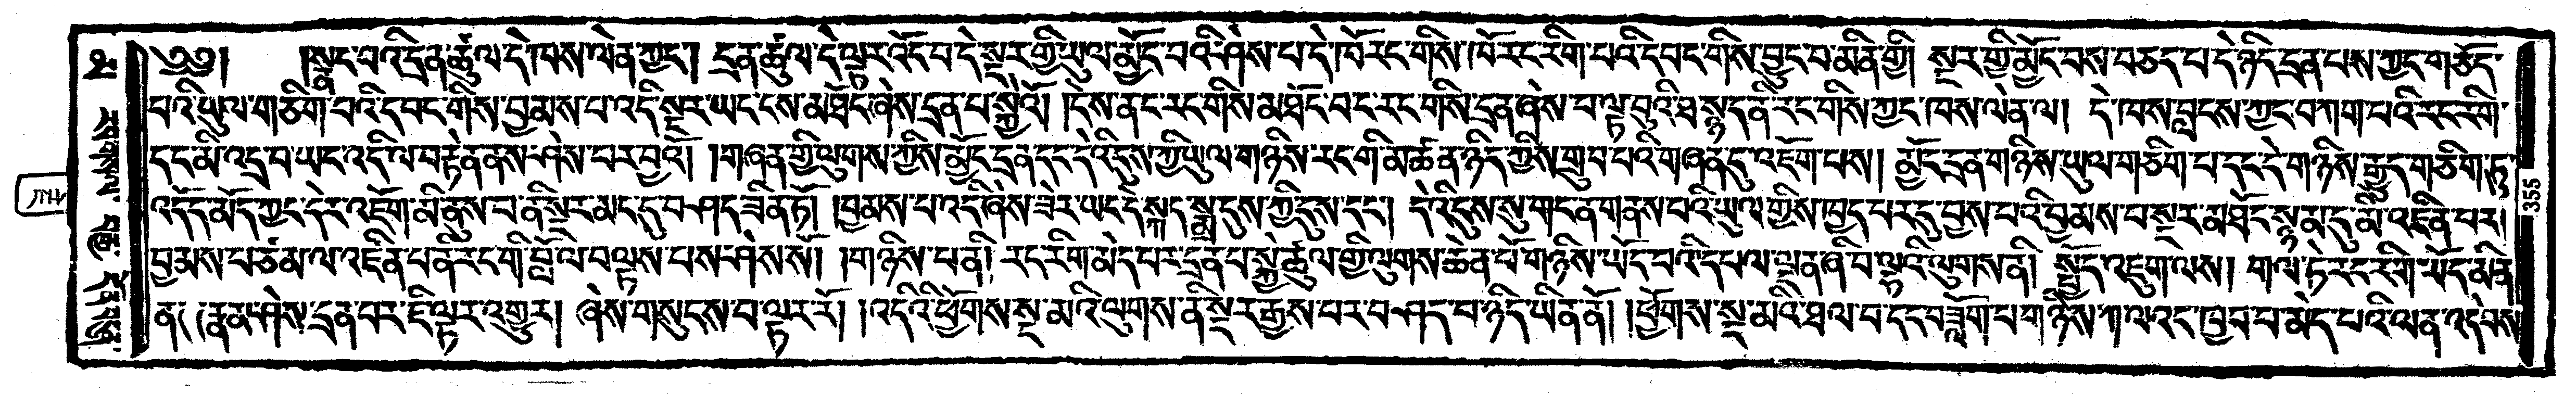༄༅། །སྣང་བའི་དྲན་ཚུལ་དེ་ཁས་ལེན་ཀྱང་། དྲན་ཚུལ་དེ་ལྟར་འོང་བ་དེ་སྔར་གྱི་ཡུལ་མྱོང་བའི་ཤེས་པ་དེ་ཁོ་རང་གིས་ཁོ་རང་རིག་པའི་དབང་གིས་བྱུང་བ་མིན་གྱི། སྔར་གྱི་མྱོང་བས་བཅད་པ་དེ་ཉིད་དྲན་པས་ཀྱང་གཅོད་
པའི་ཡུལ་གཅིག་པའི་དབང་གིས་བྱམས་བ་འདི་སྔར་ཡང་ངས་མཐོང་ཞེས་དྲན་པ་སྐྱེའོ། །དེས་ན་ང་རང་གིས་མཐོང་བ་ང་རང་གིས་དྲན་ཞེས་པ་ལྟ་བུའི་ཐ་སྙད་ནི་རང་གིས་ཀྱང་ཁས་ལེན་ལ། དེ་ཁས་བླངས་ཀྱང་བཀག་པའི་རང་རིག་
དང་མི་འདྲ་བ་ཡང་འདི་ལ་བརྟེན་ནས་ཤེས་པར་བྱའོ། །གཞན་གྱི་ལུགས་ཀྱིས་མྱོང་དྲན་དང་དེའི་དུས་ཀྱི་ཡུལ་གཉིས་རང་གི་མཚན་ཉིད་ཀྱིས་གྲུབ་པའི་གཞན་དུ་འཇོག་པས། མྱོང་དྲན་གཉིས་ཡུལ་གཅིག་པ་དང་དེ་གཉིས་རྒྱུད་གཅིག་ཏུ་
འདོད་མོས་ཀྱང་དེར་འཇོག་མི་ནུས་པ་ནི་སྔར་མང་དུ་བཤད་ཟིན་ཏོ། །བྱམས་པ་འདི་ཞེས་ཟེར་ཡང་དེ་སྐད་སྨྲ་དུས་ཀྱི་དུས་དང་། དེའི་དུས་སུ་གང་ན་གནས་པའི་ཡུལ་གྱིས་ཁྱད་པར་དུ་བྱས་པའི་བྱམས་པ་སྔར་མཐོང་སྙམ་དུ་མི་འཛིན་པར།
བྱམས་པ་ཙམ་ལ་འཛིན་པ་ནི་རང་གི་བློ་ལ་བལྟས་པས་ཤེས་སོ། །གཉིས་པ་ནི། རང་རིག་མེད་པར་དྲན་པ་སྐྱེ་ཚུལ་གྱི་ལུགས་ཆེན་པོ་གཉིས་ཡོད་པའི་དཔལ་ལྡན་ཞི་བ་ལྷའི་ལུགས་ནི། སྤྱོད་འཇུག་ལས། གལ་ཏེ་རང་རིག་ཡོད་མིན་
ན༑ ༑རྣམ་ཤེས་དྲན་པར་ཇི་ལྟར་འགྱུར། ཞེས་གསུངས་པ་ལྟར་རོ། །འདིའི་ཕྱོགས་སྔ་མའི་ལུགས་ནི་སྔར་རྒྱས་པར་བཤད་པ་ཉིད་ཡིན་ནོ། །ཕྱོགས་སྔ་མའི་ཐལ་བ་དང་བཟློག་པ་གཉིས་ཀ་ལའང་ཁྱབ་པ་མེད་པའི་ལན་འདེབས་